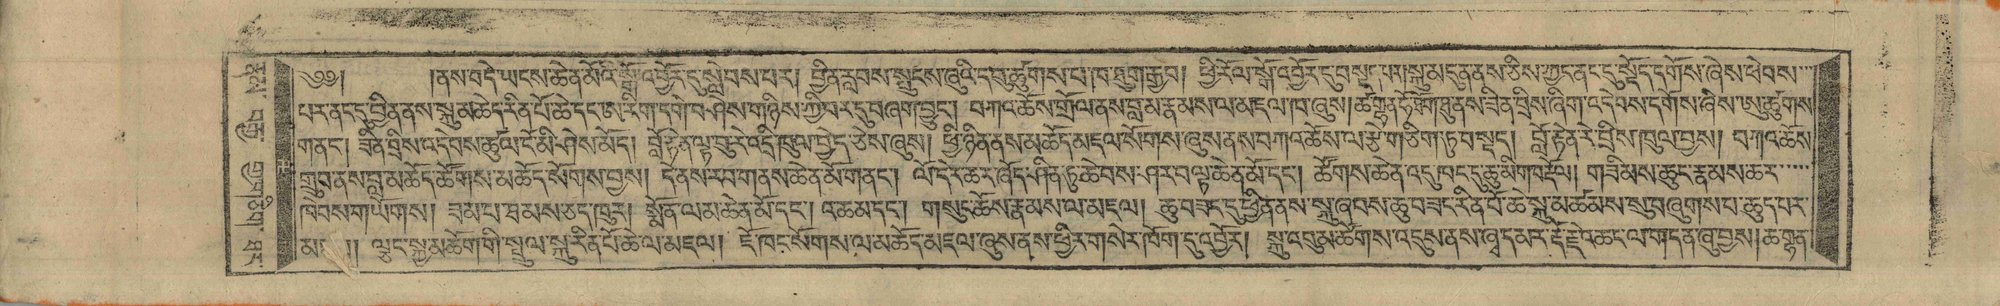༄༅། །ནས་བདེ་ཡངས་ཆེན་མོའི་སྒྲོ་འབྱོར་དུ་སླེབས་པར། བྱིན་རླབས་སྤུངས་ཞུའི་དབུ་ཚུགས་པ་ཁ་ཐུག་རྒྱབ། ཕྱི་རོལ་སྒོ་འབྱོར་དུ་བསྡད་པར། སྐུ་མདུན་ནས་ཅིས་ཀྱང་ནང་དུ་སྡོད་དགོས་ཞེས་ཕེབས་
པར་ནང་དུ་བྱིན་ནས་སྐུ་མཆེད་རིན་པོ་ཆེ་དང་ཨ་རིག་དགེ་བཤེས་གཉིས་ཀྱི་བར་དུ་བཞག་བྱུང་། བཀའ་ཆོས་གྲོལ་ནས་བླ་མ་རྣམས་ལ་མཇལ་ཁ་ཞུས། ཚ་གྷན་ཧོ་ཐོག་ཐུ་ནས་ཟིན་བྲིས་ཞིག་འདེབས་དགོས་ཞེས་ཨུ་ཚུགས་
གནང་། ཟིན་བྲིས་འདེབས་ཚུལ་ངོ་མི་ཤེས་མོད། བློ་རྟེན་ལྟ་བུ་རེ་འདྲི་ཁུལ་བྱེད་ཅེས་ཞུས། ཕྱི་ཉིན་ནས་མཆོད་མཇལ་སོགས་ཞུས་ནས་བཀའ་ཆོས་ལ་རྩེ་གཅིག་ཏུ་བསྡད། བློ་རྟེན་རེ་བྲིས་ཁུལ་བྱས། བཀའ་ཆོས་
གྲུབ་ནས་བླ་མཆོད་ཚོགས་མཆོད་སོགས་བྱས། དེ་ནས་རབ་གནས་ཆེན་མོ་གནང་། ལོ་དེར་ཆར་ཞོད་ཤིན་ཏུ་ཆེ་བས་ཤར་བལྟ་ཆེན་མོ་དང་། ཚོགས་ཆེན་འདུ་ཁང་དུ་ཆུ་མིག་བརྡོལ། གཟིམས་ཆུང་རྣམས་ཆར་
ཁེབས་གཡོགས། ཟམ་པ་ཐམས་ཅད་ཁུར། སྨོན་ལམ་ཆེན་མོ་དང་། འཆམ་དང་། གསུང་ཆོས་རྣམས་ལ་མཇལ། ཆུ་བཟང་དུ་ཕྱིན་ནས་སྐུ་ཞབས་ཆུ་བཟང་རིན་པོ་ཆེ་སྐུ་མཚམས་སུ་བཞུགས་པ་ཆུད་པར་
མཇལ། ལྕང་སྐྱ་མཆོག་གི་སྤྲུལ་སྐུ་རིན་པོ་ཆེ་ལ་མཇལ། ཇོ་ཁང་སོགས་ལ་མཆོད་མཇལ་ཞུས་ནས་ཕྱིར་གསེར་ཁོག་དུ་འབྱོར། སྐུ་འབུམ་ཚོགས་འདུས་ནས་ཞྭ་དམར་རྡོ་རྗེ་འཆང་ལ་གདན་ཞུ་བྱས། ཆ་གྷན་